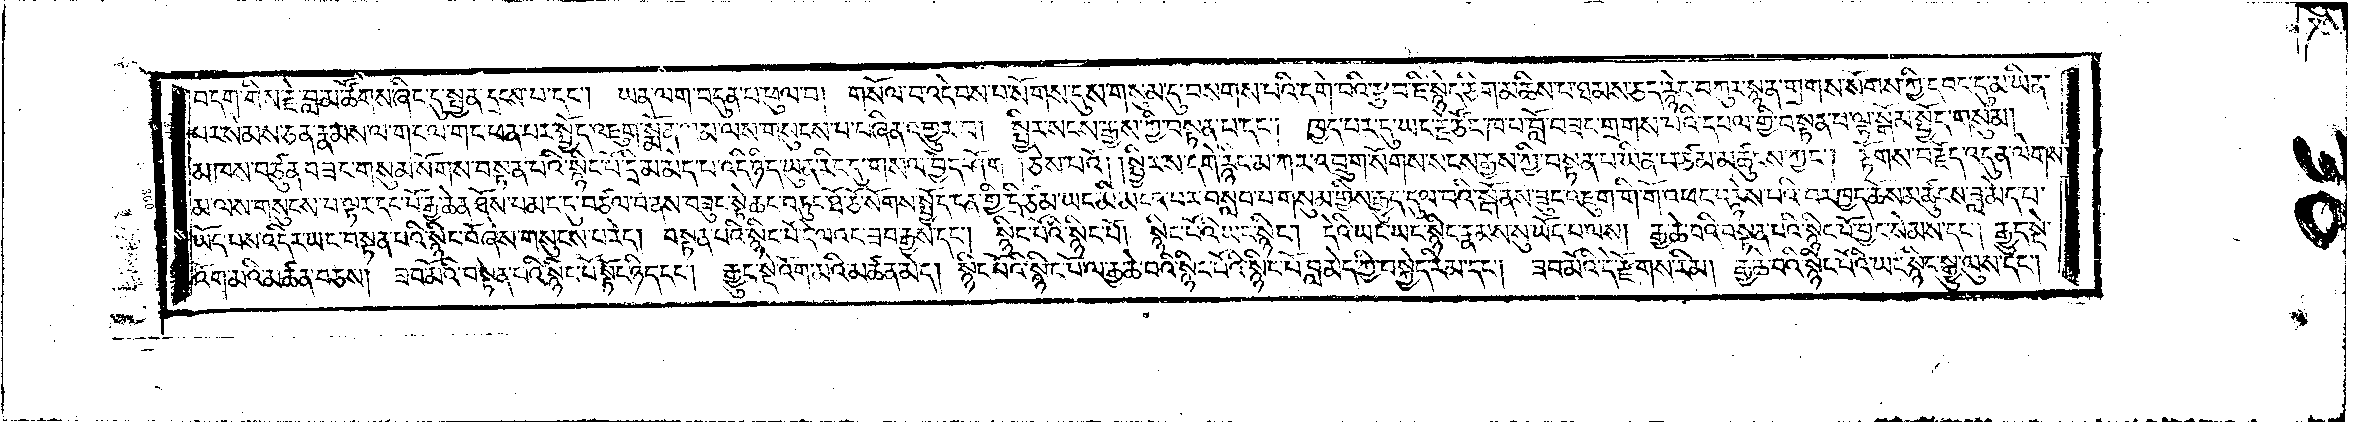བདག་གིས་རྗེ་བླ་མ་ཚོགས་ཞིང་དུ་སྤྱན་དྲངས་པ་དང་། ཡན་ལག་བདུན་པ་ཕུལ་བ། གསོལ་བ་འདེབས་པ་སོགས་དུས་གསུམ་དུ་བསགས་པའི་དགེ་བའི་རྩ་བ་ཇི་སྙེད་ཅིག་མཆིས་པ་ཐམས་ཅད་རྙེད་བཀུར་སྙན་གྲགས་སོགས་ཀྱི་དབང་དུ་མ་ཡིན་
པར་སེམས་ཅན་རྣམས་ལ་གང་ལ་གང་ཕན་པར་སྤྱོད་འཇུག་སྨོན་ལམ་ལས་གསུངས་པ་བཞིན་འགྱུར་བ། སྤྱིར་སངས་རྒྱས་ཀྱི་བསྟན་པ་དང་། ཁྱད་པར་དུ་ཡང་རྗེ་ཙོང་ཁ་པ་བློ་བཟང་གྲགས་པའི་དཔལ་གྱི་བསྟན་པ་ལྟ་སྒོམ་སྤྱོད་གསུམ།
མཁས་བཙུན་བཟང་གསུམ་སོགས་བསྟན་པའི་སྙིང་པོ་དྲི་མ་མེད་པ་འདི་ཉིད་ཡུན་རིང་དུ་གསལ་བྱེད་ཤོག །ཅེས་པའོ། སྤྱིར་ས་དགེ་རྙིང་མ་ཀར་འབྲུག་སོགས་སངས་རྒྱས་ཀྱི་བསྟན་པ་ཡིན་པ་ཙམ་མཚུངས་ཀྱང་། རྟོགས་བརྗོད་འདུན་ལེགས་
མ་ལས་གསུངས་པ་ལྟར་དང་པོ་རྒྱ་ཆེན་ཐོས་པ་མང་དུ་བཙལ་བ་ནས་བཟུང་སྟེ་ཆང་བཏུང་ཐོ་ཅོ་སོགས་སྤྱོད་ངན་གྱི་དྲི་ཙམ་ཡང་མི་མངའ་བར་བསླབ་པ་གསུམ་གྱིས་རྒྱུད་དུལ་བའི་སྒོ་ནས་ཟུང་འཇུག་གི་གོ་འཕང་བརྙེས་པའི་བར་ཁྱད་ཆོས་མཚུངས་ཟླ་མེད་པ་
ཡོད་པས་འདིར་ཡང་བསྟན་པའི་སྙིང་པོ་ཞེས་གསུངས་པ་རེད། བསྟན་པའི་སྙིང་པོ་དེ་ལའང་ཟབ་རྒྱས་དང་། སྙིང་པོའི་སྙིང་པོ། སྙིང་པོའི་ཡང་སྙིང་། དེའི་ཡང་ཡང་སྙིང་རྣམས་སུ་ཡོད་པ་ལས། རྒྱ་ཆེ་བའི་བསྟན་པའི་སྙིང་པོ་བྱང་སེམས་དང་། རྒྱུད་སྡེ་
འོག་མའི་མཚན་བཅས། ཟབ་མོའི་བསྟན་པའི་སྙིང་པོ་སྟོང་ཉིད་དང་། རྒྱུད་སྡེ་འོག་མའི་མཚན་མེད། སྙིང་པོའི་སྙིང་པོ་ལ་རྒྱ་ཆེ་བའི་སྙིང་པོའི་སྙིང་པོ་བླ་མེད་ཀྱི་བསྐྱེད་རིམ་དང་། ཟབ་མོའི་དེ་རྫོགས་རིམ། རྒྱ་ཆེ་བའི་སྙིང་པོའི་ཡང་སྙིང་སྒྱུ་ལུས་དང་།